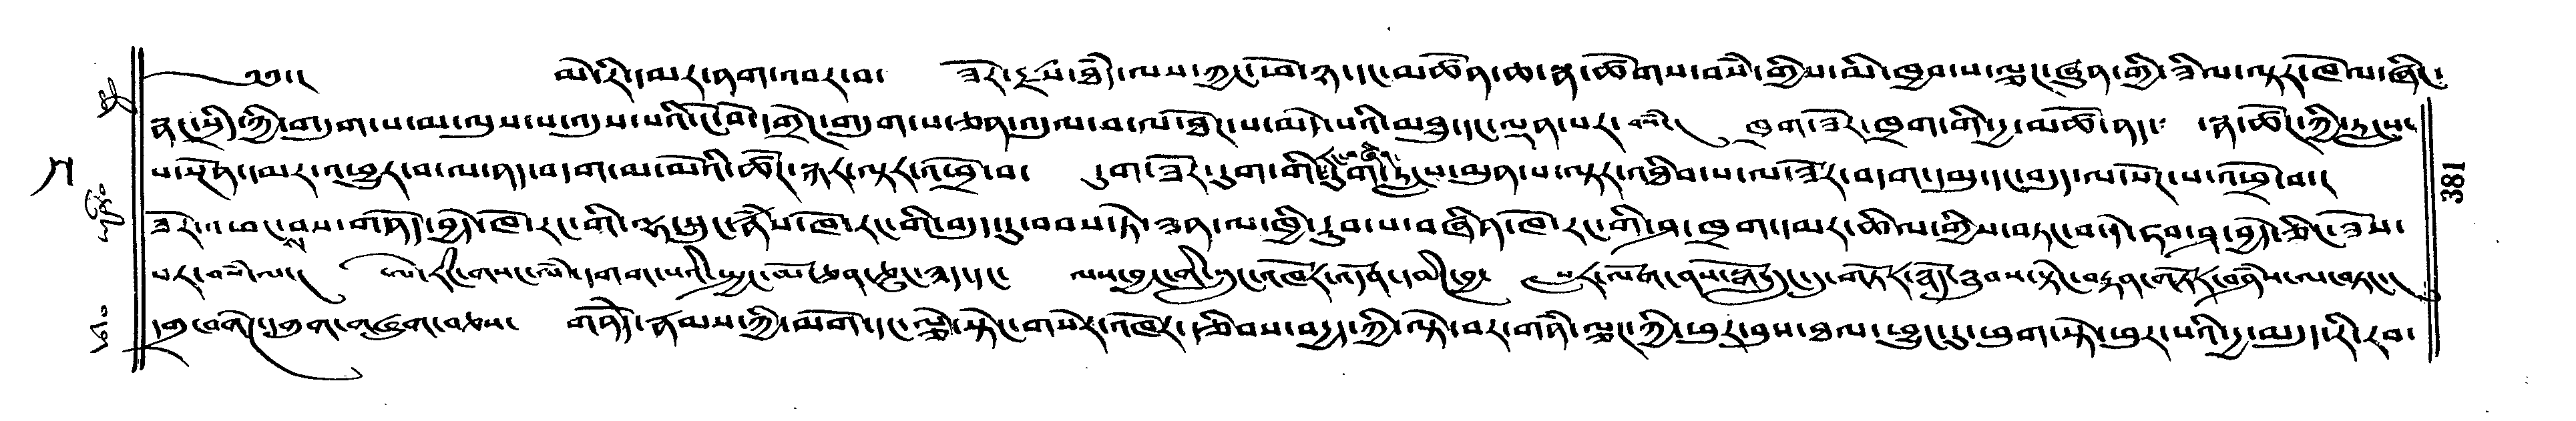མེ་རི་དམར་ནག་འབར་བ། ཟོར་རྫས་ཐམས་ཅད་ལས་ཀྱང་ཕོ་ཉ་དང་མཚོན་ཆ་སྣ་ཚོགས་བསམ་གྱིས་མི་ཁྱབ་པ་ལྕགས་ཞུན་གྱི་ཟིལ་ལྟར་ཁོལ་ཞིང་
སྣང་སྲིད་ཀྱི་གདུག་པ་མ་ལུས་པ་འདུས་པའི་ངོ་བོ་དགྲ་བགེགས་གདུག་པ་ཅན་འདུལ་བ་ལ་ཐོགས་པ་མེད་པའི་མཐུ་དང་ལྡན་པར་བསམ། ཁྲག་ཟོར་ཁྲག་གི་རྒྱ་མཚོ་ནད་ སྣ་ཚོགས་ཀྱི་རླངས་
པ་སྔོ་དམར་འཕྱུར་བ་ལ་ནད་བདག་མ་མོའི་ཚོགས་སྐར་ལྟར་འཕྲོ་བ། དུག་ཟོར་དུག་གི་རང་བཞིན་དུག་རླངས་མུན་པ་ལྟར་འཐིབ་པ་ལ་ཟོར་བདག་དམུ་དང་བདུད་ལ་སོགས་པ་འཕྲོ་བ། 
ཟོར་འཕངས་བས་གནོད་བྱེད་ཁོ་རང་གི་ལྷ་སྲུང་རྣམས་ཁོ་རང་གི་བདུད་དུ་བབས་ཏེ་ཟན་ལ་ཁྱི་རུབ་པ་བཞིན་ཁོ་རང་གི་ཤ་ཁྲག་དམར་ཆིལ་གྱིས་བཏང་དེ་ཧབ་ཤ་བྱེད་ཅིང་ཟོས་
པར་བསམ་ལ། ཨེ་རིང་གསང་ལམ་དགག་པའི་སྤྱང་མོ་ཅན་ཅུང་ཟད་དང་། ལས་བྱང་གི་སྲུང་འཁོར་འདོན་དམིགས་བྱ། སླར་ལོག་ནས་སྒོ་དྲུང་དུ་གཏོར་སྣོད་སྦུབས་སྟེང་བརྟན་གཏོར་བཤམས་ལ་བཏང་། 
དགྲ་བགེགས་དགུག་གཞུག་བཅས། གནོད་བྱེད་རྣམས་ཀྱི་མགོ་དང་ལྕེ་སྟེང་གསེར་འཁོར་རྩིབས་བརྒྱད་ཀྱི་ལྟེ་བར་གནམ་ལྕགས་ཀྱི་ཕུར་བུས་ཐལ་ཕྱུང་དུ་ཕུག་སྟེ་ཕུར་པའི་རྒྱ་མདུད་རི་རབ་